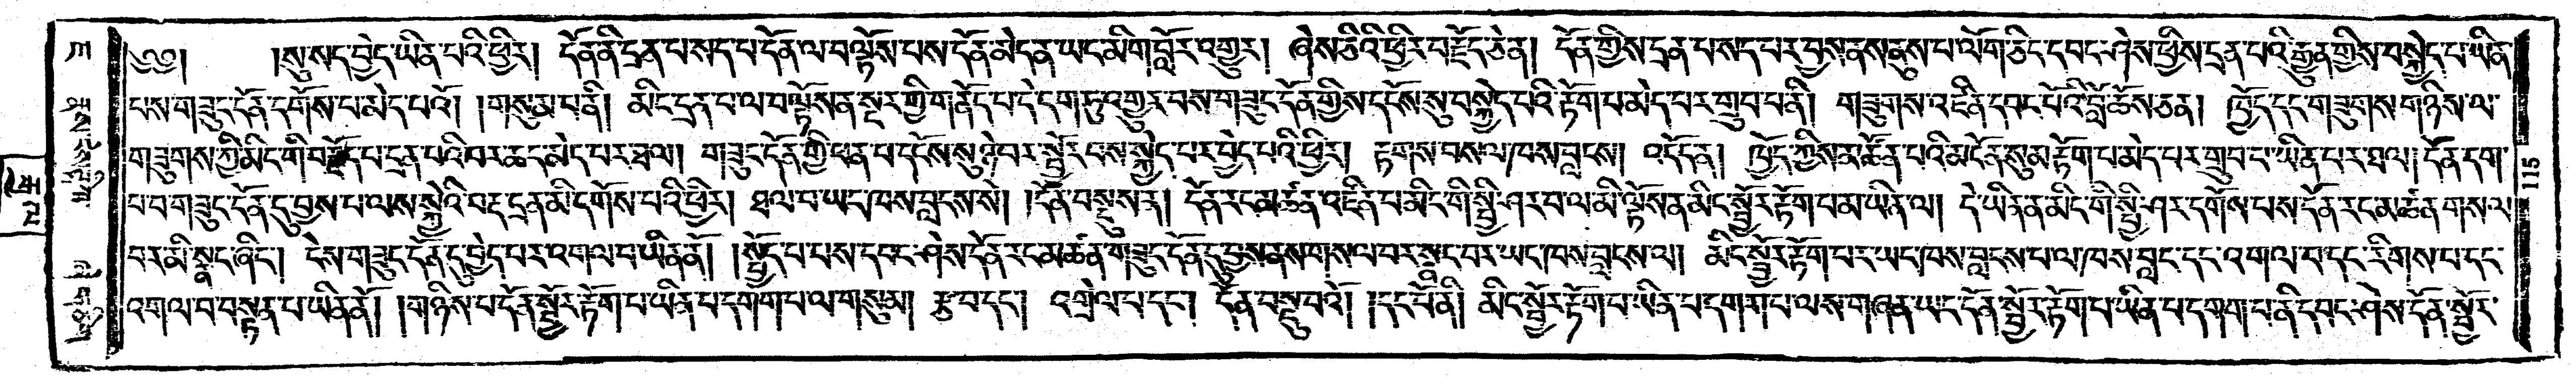༄༅། །སུ་སད་བྱེད་ཡིན་པའི་ཕྱིར། དོན་ནི་དྲན་པ་སད་པ་དོན་ལ་བལྟོས་པས་དོན་མེད་ན་ཡང་མིག་བློར་འགྱུར། ཞེས་ཅིའི་ཕྱིར་བརྗོད་ཅེ་ན། དོན་གྱིས་དྲན་པ་སད་པར་བྱས་ནས་ནུས་པ་ལོག་ཅིང་དབང་ཤེས་ཕྱིས་དྲན་པའི་རྒྱུན་གྱིས་བསྐྱེད་པ་ཡིན་
པས་གཟུང་དོན་དགོས་པ་མེད་པའོ། །གསུམ་པ་ནི། མིང་དྲན་པ་ལ་བལྟོས་ན་སྔར་གྱི་གནོད་པ་དེ་དག་ཏུ་འགྱུར་བས་གཟུང་དོན་གྱིས་དངོས་སུ་བསྐྱེད་པའི་རྟོག་པ་མེད་པར་གྲུབ་པ་ནི། གཟུགས་འཛིན་དབང་པོའི་བློ་ཆོས་ཅན། ཁྱོད་དང་གཟུགས་གཉིས་ལ་
གཟུགས་ཀྱི་མིང་གི་བརྗོད་པ་དྲན་པའི་བར་ཆད་མེད་པར་ཐལ། གཟུང་དོན་གྱི་ཕན་པ་དངོས་སུ་ཉེ་བར་སྦྱོར་བས་སྐྱེད་པར་བྱེད་པའི་ཕྱིར། རྟགས་བསལ་ཁས་བླངས། འདོད་ན། ཁྱོད་ཀྱིས་མཚོན་པའི་མངོན་སུམ་རྟོག་པ་མེད་པར་གྲུབ་པ་ཡིན་པར་ཐལ། དོན་དག་
པ་བ་གཟུང་དོན་དུ་བྱས་པ་ལས་སྐྱེའི་བརྡ་དྲན་མི་དགོས་པའི་ཕྱིར། ཐལ་བ་ཡང་ཁས་བླངས་སོ། །དོན་བསྡུས་ན། དོན་རང་མཚན་འཛིན་པ་མིང་གི་སྤྱི་ཤར་བ་ལ་མི་ལྟོས་ན་མིང་སྦྱོར་རྟོག་པ་མ་ཡིན་ལ། དེ་ཡིན་ན་མིང་གི་སྤྱི་ཤར་དགོས་པས་དོན་རང་མཚན་གསལ་
བར་མི་སྣང་ཞིང་། ངེས་གཟུང་དོན་དུ་བྱེད་པར་འགལ་བ་ཡིན་ནོ། །སྤྱོད་པ་པས་དབང་ཤེས་དོན་རང་མཚན་གཟུང་དོན་དུ་བྱས་ནས་གསལ་བར་སྣང་བར་ཡང་ཁས་བླངས་ལ། མིང་སྦྱོར་རྟོག་པར་ཡང་ཁས་བླངས་པ་ལ་ཁས་བླང་དང་འགལ་བ་དང་རིགས་པ་དང་
འགལ་བ་བསྟན་པ་ཡིན་ནོ། །གཉིས་པ་དོན་སྦྱོར་རྟོག་པ་ཡིན་པ་དགག་པ་ལ་གསུམ། རྩ་བ་དང་། འགྲེལ་པ་དང་། དོན་བསྡུ་བའོ། །དང་པོ་ནི། མིང་སྦྱོར་རྟོག་པ་ཡིན་པ་དགག་པ་ལས་གཞན་ཡང་དོན་སྦྱོར་རྟོག་པ་ཡིན་པ་དགག་པ་ནི་དབང་ཤེས་དོན་སྦྱོར་